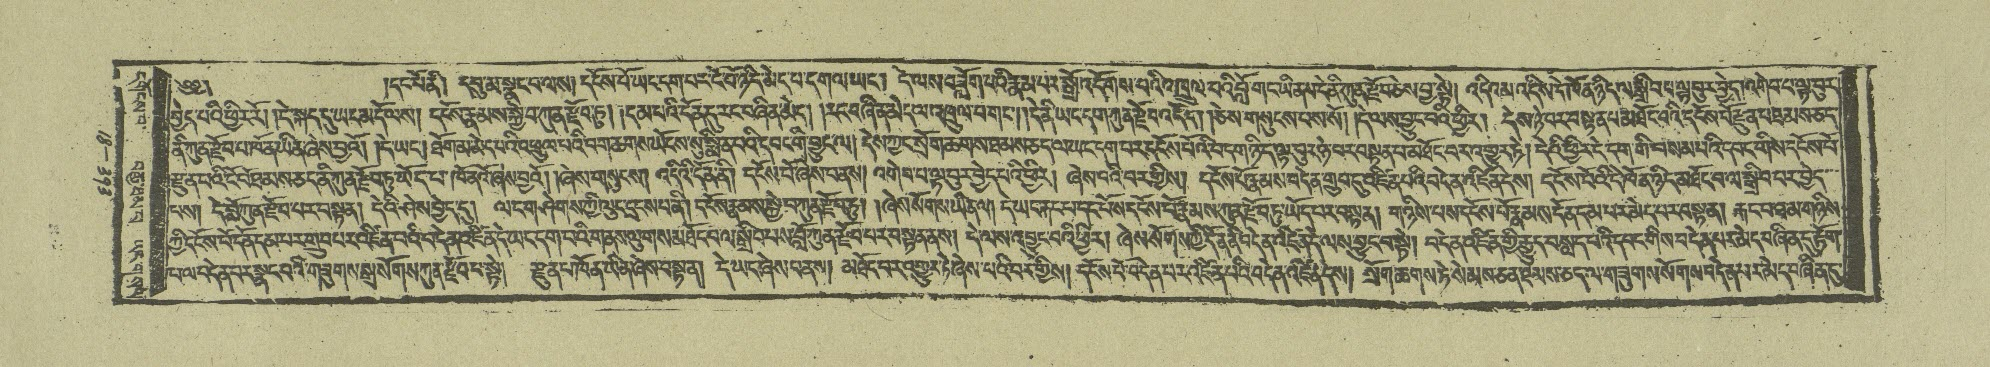༄༅། །དང་པོ་ནི། དབུ་མ་སྣང་བ་ལས། དངོས་པོ་ཡང་དག་པར་ངོ་བོ་ཉིད་མེད་པ་དག་ལ་ཡང་། དེ་ལས་བཟློག་པའི་རྣམ་པར་སྒྲོ་འདོགས་པའི་འཁྲུལ་པའི་བློ་གང་ཡིན་པ་དེ་ནི་ཀུན་རྫོབ་ཅེས་བྱ་སྟེ། འདིའམ་འདིས་དེ་ཁོ་ན་ཉིད་ལ་སྒྲིབ་པ་ལྟ་བུར་བྱེད། འགེབ་པ་ལྟ་བུར་
བྱེད་པའི་ཕྱིར་རོ། །དེ་སྐད་དུ་ཡང་མདོ་ལས། དངོས་རྣམས་སྐྱེ་བ་ཀུན་རྫོབ་ཏུ། །དམ་པའི་དོན་དུ་རང་བཞིན་མེད། །རང་བཞིན་མེད་ལ་འཁྲུལ་པ་གང་། །དེ་ནི་ཡང་དག་ཀུན་རྫོབ་འདོད། །ཅེས་གསུངས་པས་སོ། །དེ་ལས་བྱུང་བའི་ཕྱིར། དེས་ཉེ་བར་བསྟན་པ་མཐོང་བའི་དངོས་པོ་རྫུན་པ་ཐམས་ཅད་
ནི་ཀུན་རྫོབ་པ་ཁོ་ན་ཡིན་ཞེས་བྱའོ། །དེ་ཡང་། ཐོག་མ་མེད་པའི་འཕྲུལ་པའི་བག་ཆགས་ཡོངས་སུ་སྨིན་པའི་དབང་གི་བྱུང་ལ། དེས་ཀྱང་སྲོག་ཆགས་ཐམས་ཅད་ལ་ཡང་དག་པར་དངོས་པོའི་བདག་ཉིད་ལྟ་བུར་ཉེ་བར་བསྟན་པ་མཐོང་བར་འགྱུར་ཏེ། དེའི་ཕྱིར་དེ་དག་གི་བསམ་པའི་དབང་གིས་དངོས་པོ་
རྫུན་པའི་ངོ་བོ་ཐམས་ཅད་ནི་ཀུན་རྫོབ་ཏུ་ཡོད་པ་ཁོ་ནའོ་ཞེས་བྱའོ། །ཞེས་གསུངས། འདིའི་དོན་ནི། དངོས་པོ་ཞེས་པ་ནས། འགེབ་པ་ལྟ་བུར་བྱེད་པའི་ཕྱིར། ཞེས་པའི་བར་གྱིས། དངོས་པོ་རྣམས་བདེན་གྲུབ་དུ་འཛིན་པའི་བདེན་འཛིན་དེས། དངོས་པོའི་དེ་ཁོ་ན་ཉིད་མཐོང་བ་ལ་སྒྲིབ་པར་བྱེད་
པས། དེ་གློ་ཀུན་རྫོབ་པར་བསྟན། དེའི་ཤེས་བྱེད་དུ། ལང་གཤེགས་ཀྱི་ལུང་དྲངས་པ་ནི། དངོས་རྣམས་སྐྱེ་བ་ཀུན་རྫོབ་ཏུ། །ཞེས་སོགས་ཡིན་ལ། དེ་ཡང་རྐང་པ་དང་པོས་དངོས་པོ་རྣམས་ཀུན་རྫོབ་ཏུ་ཡོད་པར་བསྟན། གཉིས་པས་དངོས་པོ་རྣམས་དོན་དམ་པར་མེད་པར་བསྟན། རྐང་པ་ཐ་མ་གཉིས་
ཀྱི་དངོས་པོ་དོན་དམ་པར་གྲུབ་པར་འཛིན་པའི་བདེན་འཛིན་དེ་ཡང་དག་པའི་གནས་ལུགས་མཐོང་བ་ལ་སྒྲིབ་པས་བློ་ཀུན་རྫོབ་པར་བསྟན་ནས། དེ་ལས་འབྱུང་བའི་ཕྱིར། ཞེས་སོགས་ཀྱི་དོན་ནི་བདེན་འཛིན་དེ་ལས་བྱུང་བ་སྟེ། བདེན་འཛིན་གྱི་རྒྱུད་བསླད་པའི་དབང་གིས་བདེན་པར་མེད་བཞིན་དུ་རྟོག་
པ་ལ་བདེན་པར་སྣང་བའི་གཟུགས་སྒྲ་སོགས་ཀུན་རྫོབ་པ་སྟེ། རྫུན་པ་ཁོ་ན་ཡིན་ཞེས་བསྟན། དེ་ཡང་ཞེས་པ་ནས། མཐོང་བར་འགྱུར་ཏེ་ཞེས་པའི་བར་གྱིས། དངོས་པོ་བདེན་པར་འཛིན་པའི་བདེན་འཛིན་དེས། སྲོག་ཆགས་ཏེ་སེམས་ཅན་ཐམས་ཅད་ལ་གཟུགས་སོགས་བདེན་པར་མེད་བཞིན་དུ་